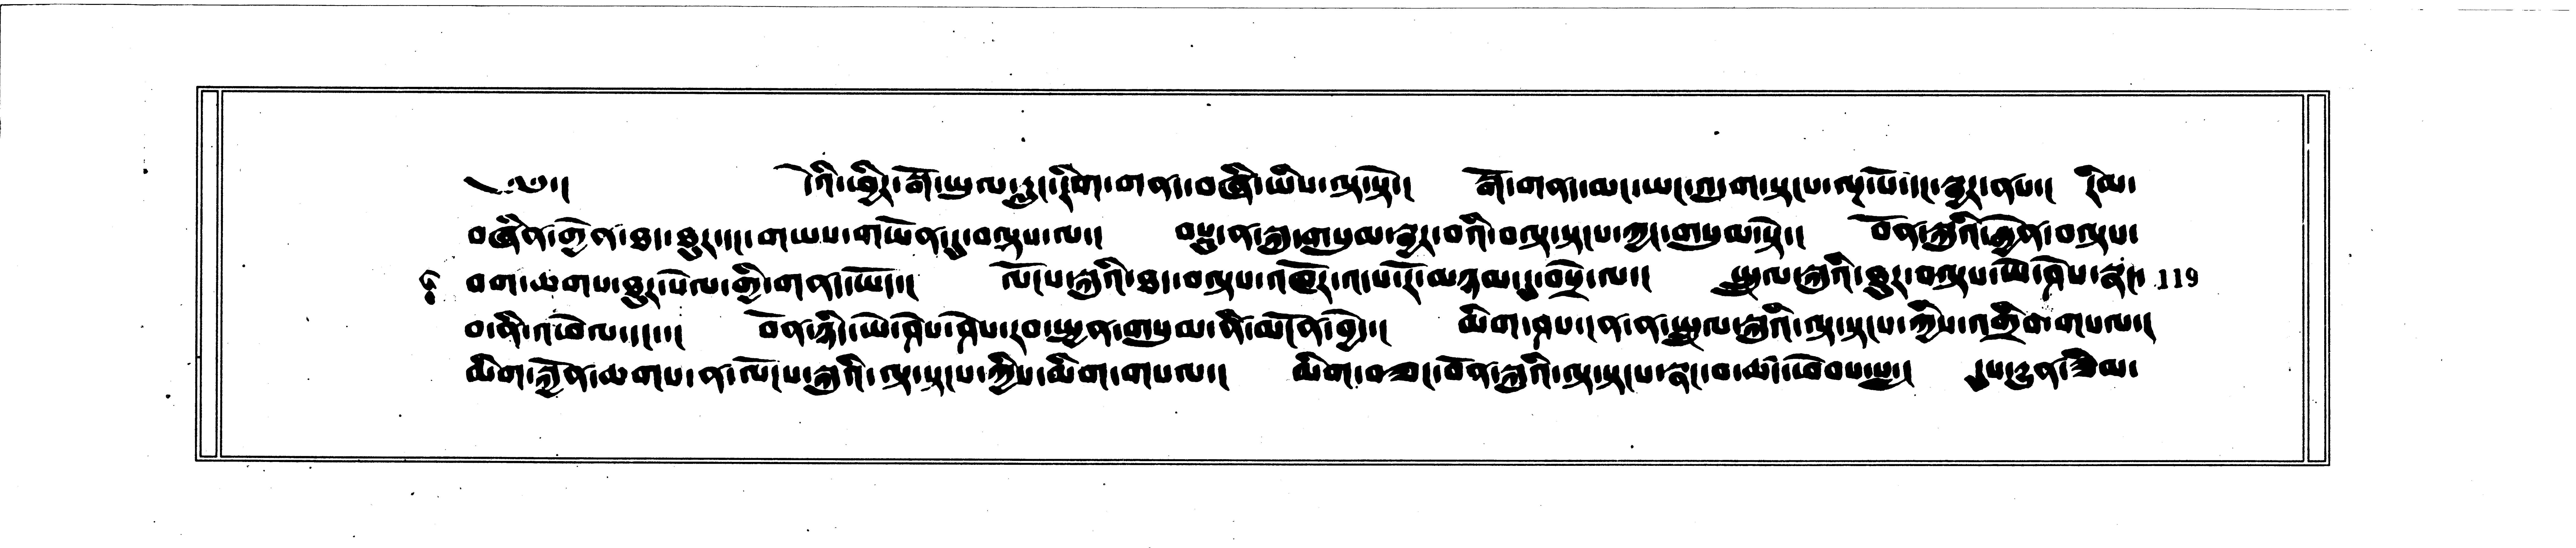དེའི་ཕྱིར་སྒོ་ཡུལ་རླུང་རིག་གནད་བཞི་ཡིས་ལྟ་སྟེ། །སྒོ་གནད་མང་ཡང་འདུག་སྟངས་ལྔ་པོ་དང་སྦྱར་ནས། །རིམ་
བཞིན་གྱེན་ཐད་ཐུར་དང་གཡས་གཡོན་དུ་བལྟས་ལ། །བསྡུ་ན་སྐུ་གསུམ་སྦྱར་བའི་ལྟ་སྟངས་ཀྱང་གསུམ་སྟེ། །བོན་སྐུའི་གྱེན་བལྟས་
བག་ཆགས་ཐུར་སེལ་གྱི་གནད་ཡོད། །ལོངས་སྐུའི་ཐད་བལྟས་འཁོར་འདས་རོ་མཉམ་དུ་བསྲེ་ལ། །སྤྲུལ་སྐུའི་ཐུར་བལྟས་ཡེ་ཤེས་སྣང་
བ་ནི་འཕེལ་དང་། །བོན་ཉིད་ཡེ་ཤེས་ཤེས་རབ་སྤྱན་གསུམ་ནི་མངོན་བྱེད། །མིག་ཤས་ངན་ན་སྤྲུལ་སྐུའི་ལྟ་སྟངས་ཀྱིས་འགྲིབ་གསལ། །
མིག་སྐྱོན་ཆགས་ན་ལོངས་སྐུའི་ལྟ་སྟངས་ཀྱིས་མིག་གསལ། །མིག་བཟང་བོན་སྐུའི་ལྟ་སྟངས་སྣང་བ་ཚད་ཕེབས་སླ། །དུས་རྒྱུན་ཟིམ་